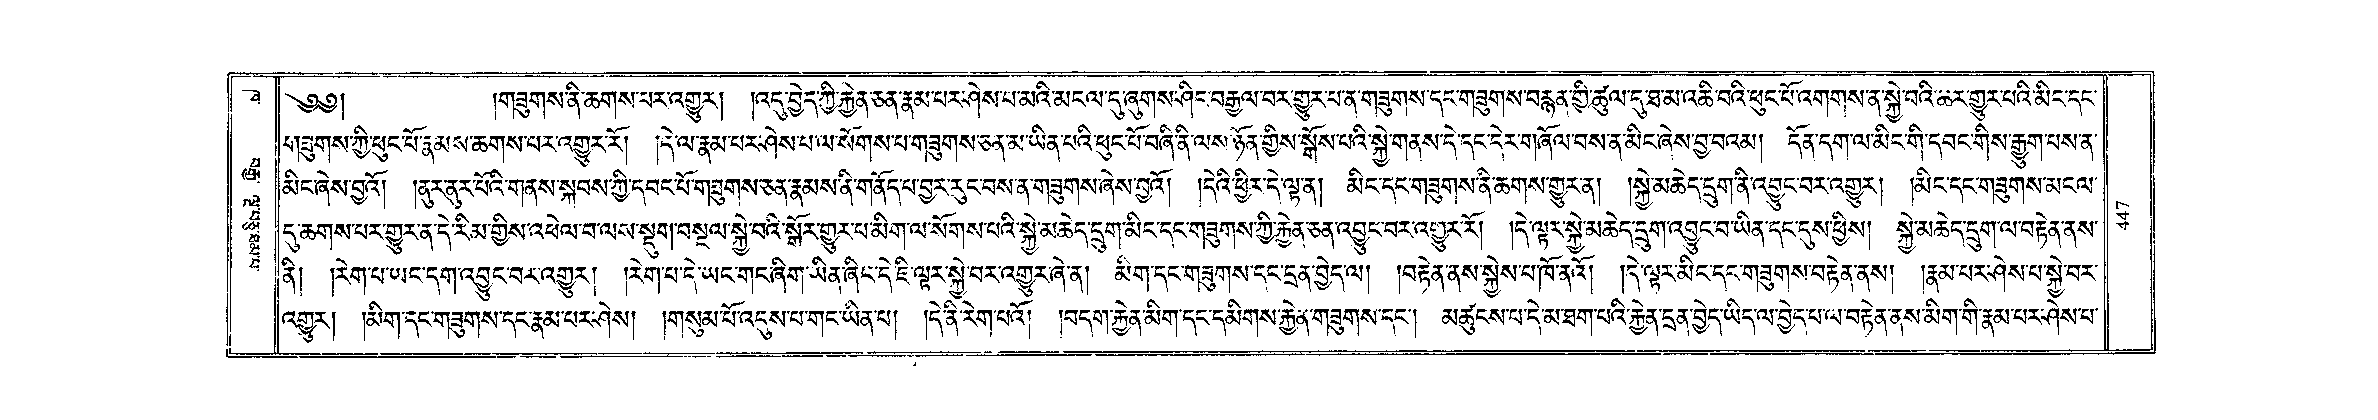༄༅། །གཟུགས་ནི་ཆགས་པར་འགྱུར། །འདུ་བྱེད་ཀྱི་རྐྱེན་ཅན་རྣམ་པར་ཤེས་པ་མའི་མངལ་དུ་ཞུགས་ཤིང་བརྒྱལ་བར་གྱུར་པ་ན་གཟུགས་དང་གཟུགས་བརྙན་གྱི་ཚུལ་དུ་ཐ་མ་འཆི་བའི་ཕུང་པོ་འགགས་ན་སྐྱེ་བའི་ཆར་གྱུར་པའི་མིང་དང་
གཟུགས་ཀྱི་ཕུང་པོ་རྣམས་ཆགས་པར་འགྱུར་རོ། །དེ་ལ་རྣམ་པར་ཤེས་པ་ལ་སོགས་པ་གཟུགས་ཅན་མ་ཡིན་པའི་ཕུང་པོ་བཞི་ནི་ལས་ཉོན་གྱིས་སྒོས་པའི་སྐྱེ་གནས་དེ་དང་དེར་གཞོལ་བས་ན་མིང་ཞེས་བྱ་བའམ། དོན་དག་ལ་མིང་གི་དབང་གིས་རྒྱུག་པས་ན་
མིང་ཞེས་བྱའོ། །ནུར་ནུར་པོའི་གནས་སྐབས་ཀྱི་དབང་པོ་གཟུགས་ཅན་རྣམས་ནི་གནོད་པ་བྱར་རུང་བས་ན་གཟུགས་ཞེས་བྱའོ། །དེའི་ཕྱིར་དེ་ལྟ་ན། མིང་དང་གཟུགས་ནི་ཆགས་གྱུར་ན། །སྐྱེ་མཆེད་དྲུག་ནི་འབྱུང་བར་འགྱུར། །མིང་དང་གཟུགས་མངལ་
དུ་ཆགས་པར་གྱུར་ན་དེ་རིམ་གྱིས་འཕེལ་བ་ལས་སྡུག་བསྔལ་སྐྱེ་བའི་སྒོར་གྱུར་པ་མིག་ལ་སོགས་པའི་སྐྱེ་མཆེད་དྲུག་མིང་དང་གཟུགས་ཀྱི་རྐྱེན་ཅན་འབྱུང་བར་འགྱུར་རོ། །དེ་ལྟར་སྐྱེ་མཆེད་དྲུག་འབྱུང་བ་ཡིན་དང་དུས་ཕྱིས། སྐྱེ་མཆེད་དྲུག་ལ་བརྟེན་ནས་
ནི། །རེག་པ་ཡང་དག་འབྱུང་བར་འགྱུར། །རེག་པ་དེ་ཡང་གང་ཞིག་ཡིན་ཞིང་དེ་ཇི་ལྟར་སྐྱེ་བར་འགྱུར་ཞེ་ན། མིག་དང་གཟུགས་དང་དྲན་བྱེད་ལ། །བརྟེན་ནས་སྐྱེས་བ་ཁོ་ནའོ། །དེ་ལྟར་མིང་དང་གཟུགས་བརྟེན་ནས། །རྣམ་པར་ཤེས་པ་སྐྱེ་བར་
འགྱུར། །མིག་དང་གཟུགས་དང་རྣམ་པར་ཤེས། །གསུམ་པོ་འདུས་པ་གང་ཡིན་པ། །དེ་ནི་རེག་པའོ། །བདག་རྐྱེན་མིག་དང་དམིགས་རྐྱེན་གཟུགས་དང་། མཚུངས་པ་དེ་མ་ཐག་པའི་རྐྱེན་དྲན་བྱེད་ཡིད་ལ་བྱེད་པ་ལ་བརྟེན་ནས་མིག་གི་རྣམ་པར་ཤེས་པ་